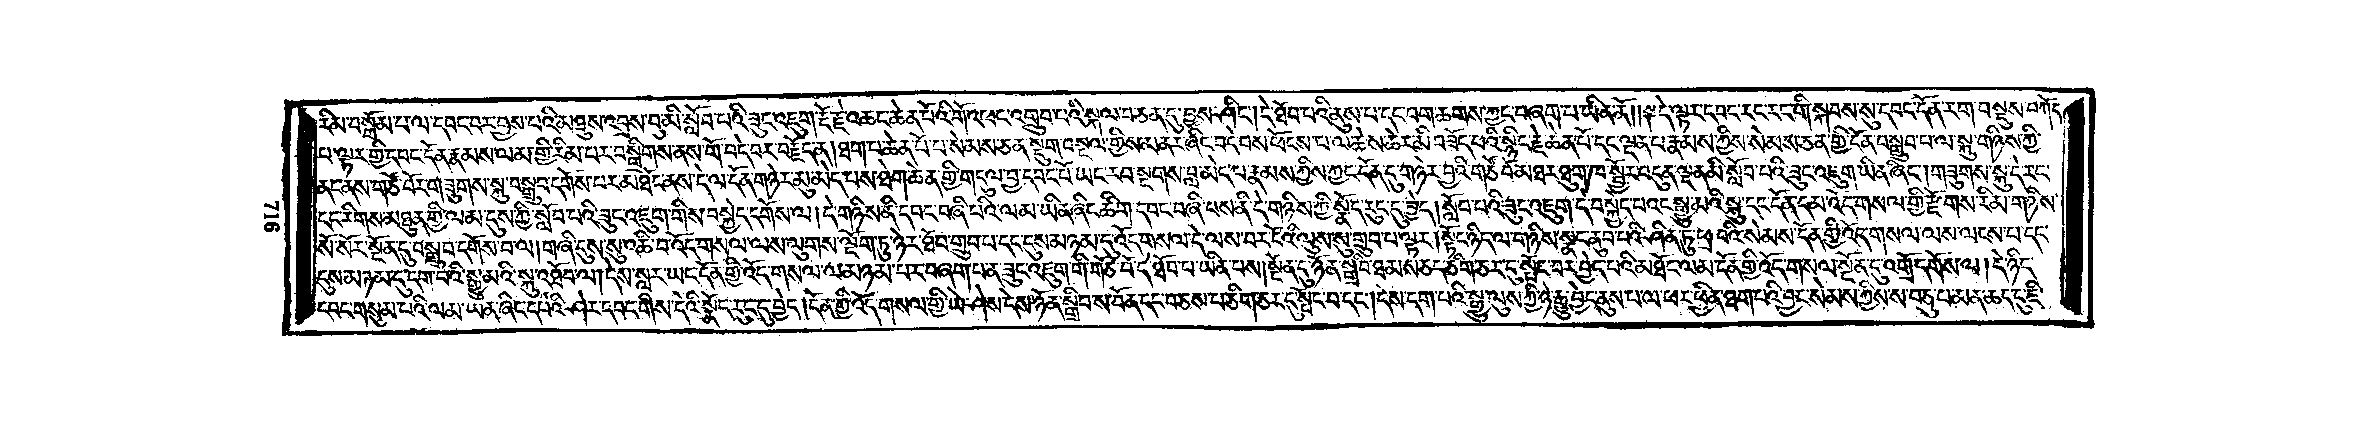རིམ་བསྒོམ་པ་ལ་དབང་བར་བྱས་པའི་མཐུས་འབྲས་བུ་མི་སློབ་པའི་ཟུང་འཇུག་རྡོ་རྗེ་འཆང་ཆེན་པོའི་གོ་འཕང་འགྲུབ་པའི་སྐལ་པ་ཅན་དུ་བྱས་ཤིང་། དེ་ཐོབ་པའི་ནུས་པ་དང་བག་ཆགས་ཀྱང་བཞག་པ་ཡིན་ནོ། །༈ དེ་ལྟར་དབང་རང་རང་གི་སྐབས་སུ་དབང་དོན་རག་བསྡུས་བཀོད་
པ་ལྟར་གྱི་དབང་དོན་རྣམས་ལམ་གྱི་རིམ་པར་བསྒྲིགས་ནས་གོ་བདེ་བར་བརྗོད་ན། ཐག་པ་ཆེན་པོ་པ་སེམས་ཅན་སྡུག་བསྔལ་གྱིས་མནར་ཞིང་བདེ་བས་ཕོངས་པ་ལ་ཆེས་ཆེར་མི་བཟོད་པའི་སྙིང་རྗེ་ཆེན་པོ་དང་ལྡན་པ་རྣམས་ཀྱིས་སེམས་ཅན་གྱི་དོན་བསྒྲུབ་པ་ལ་སྐུ་གཉིས་ཀྱི་
ནང་ནས་གཙོ་བོར་གཟུགས་སྐུ་བསྒྲུབ་དགོས་པར་མཐོང་ནས་དེ་ལ་དོན་གཉེར་མུ་མེད་པས་ཐེག་ཆེན་གྱི་གདུལ་བྱ་དབང་པོ་ཡང་རབ་སྔགས་བླ་མེད་པ་རྣམས་ཀྱིས་ཀྱང་དོན་དུ་གཉེར་བྱའི་གཙོ་བོ་མཐར་ཐུག་ཁ་སྦྱོར་བདུན་ལྡན་མི་སློབ་པའི་ཟུང་འཇུག་ཡིན་ཞིང་། གཟུགས་སྐུ་དེ་རང་
དང་རིགས་མཐུན་གྱི་ལམ་དུས་ཀྱི་སློབ་པའི་ཟུང་འཇུག་གིས་བསྐྱེད་དགོས་ལ། དེ་གཉིས་ནི་དབང་བཞི་པའི་ལམ་ཡིན་ཞིང་ཚིག་དབང་བཞི་པས་ནི་དེ་གཉིས་ཀྱི་སྣོད་རུང་དུ་བྱེད། སློབ་པའི་ཟུང་འཇུག་དེ་བསྐྱེད་པའང་སྒྱུ་མའི་སྐུ་དང་དོན་དམ་འོད་གསལ་གྱི་རྫོགས་རིམ་གཉིས་
སོ་སོར་སྔོན་དུ་བསྒྲུབ་དགོས་པ་ལ། གཞི་དུས་སུ་འཆི་བ་འོད་གསལ་ལས་ལུགས་ལྡོག་ཏུ་ཉེར་ཐོབ་གྲུབ་པ་དང་དུས་མཉམ་དུ་འོད་གསལ་དེ་ལས་བར་ངོའི་ལུས་སུ་གྲུབ་པ་ལྟར། སྟོང་ཉིད་ལ་གཉིས་སྣང་ནུབ་པའི་ཤིན་ཏུ་ཕྲ་བའི་སེམས་དོན་གྱི་འོད་གསལ་ལས་ལངས་པ་དང་
དུས་མཉམ་དུ་དག་པའི་སྒྱུ་མའི་སྐུ་འཐོབ་ལ། དེས་སླར་ཡང་དོན་གྱི་འོད་གསལ་ལ་མཉམ་པར་བཞག་པ་ན་ཟུང་འཇུག་གི་གཙོ་བོ་དེ་ཐོབ་པ་ཡིན་པས། སྔོན་དུ་ཉོན་སྒྲིབ་ཐམས་ཅད་ཅིག་ཅར་དུ་སྤོང་བར་བྱེད་པའི་མཐོང་ལམ་དོན་གྱི་འོད་གསལ་སྔོན་དུ་འགྲོ་དགོས་ལ། དེ་ཉིད་
དབང་གསུམ་པའི་ལམ་ཡིན་ཞིང་དཔའི་ཤེས་དབང་གིས་དེའི་སྣོད་རུང་དུ་བྱེད། དོན་གྱི་འོད་གསལ་གྱི་ཡེ་ཤེས་དེས་ཉོན་སྒྲིབ་ས་བོན་དང་བཅས་པ་ཅིག་ཅར་དུ་སྤོང་བ་དང་། དེས་དག་པའི་སྒྱུ་ལུས་ཀྱི་ཉེ་རྒྱུ་བྱེད་ནུས་པ་ལ་ཕར་ཕྱིན་ཐག་པའི་བྱང་སེམས་ཀྱིས་ས་བཅུ་པ་མན་ཆད་དུ་ཇི་